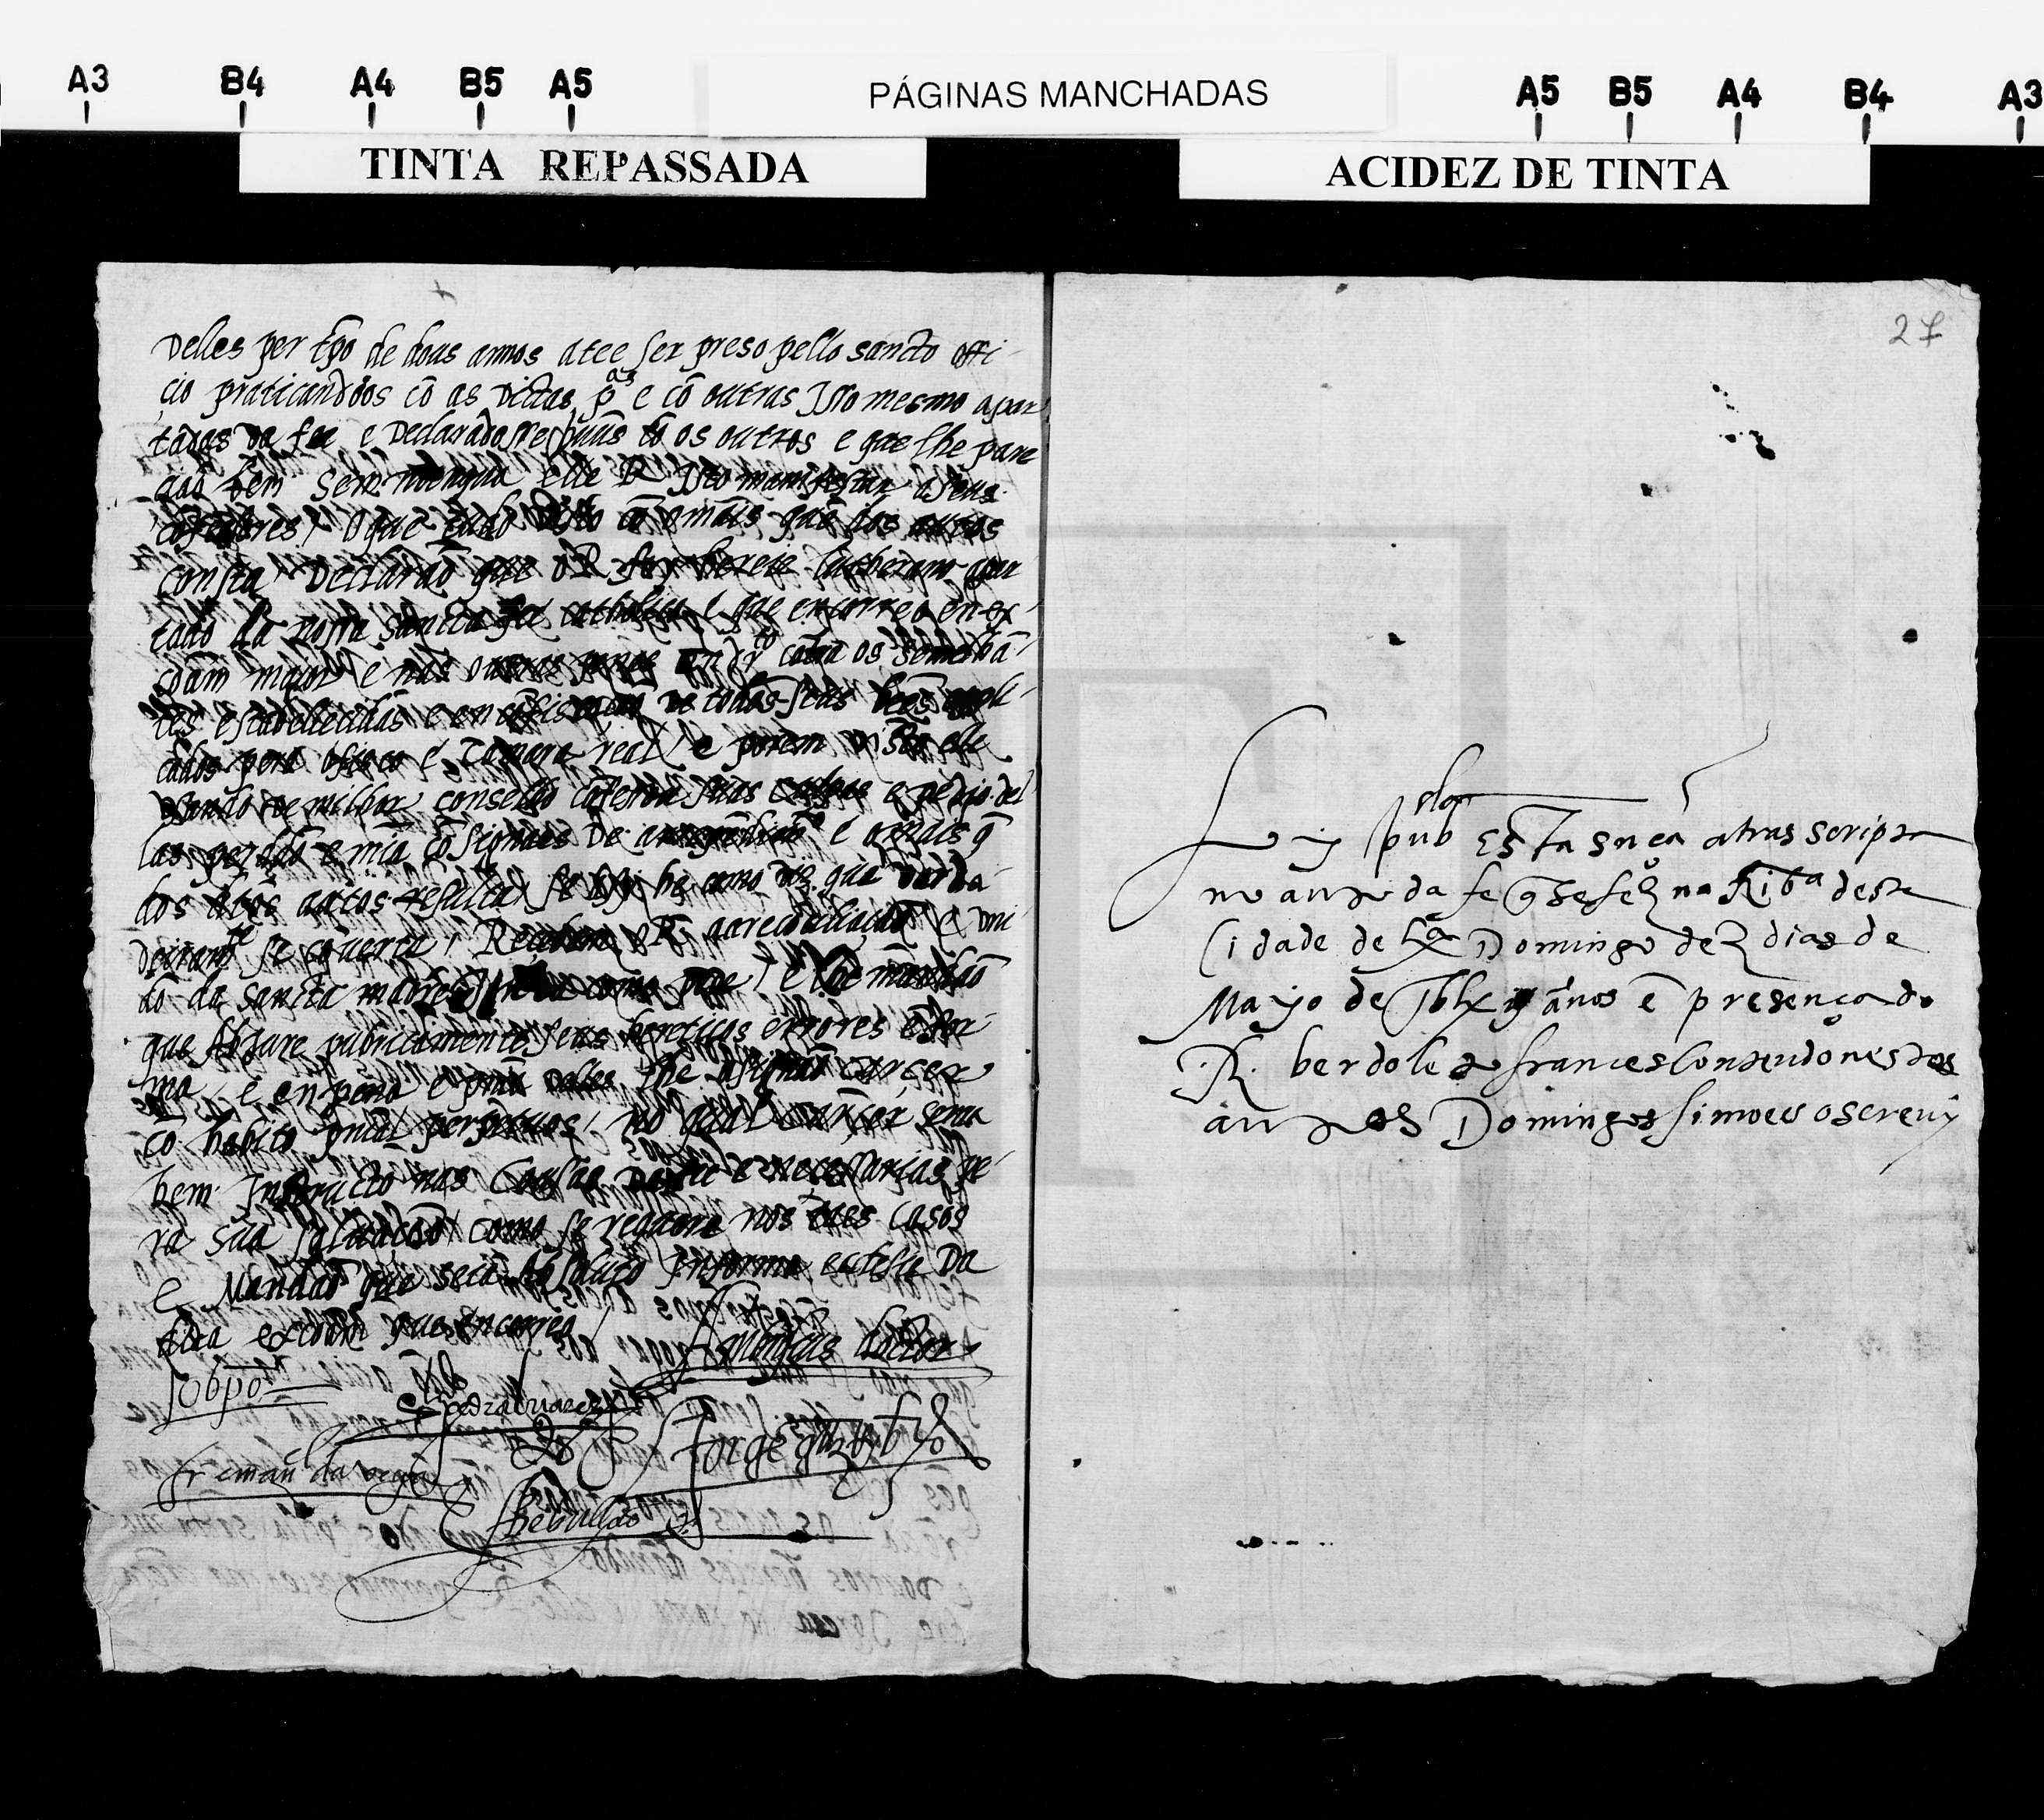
Delles per tp̄o de dous annos atee ser preso pello sancto offi
cio praticandoos cō as Dictas pas e cō outras Jsso mesmo apar
tadas da fee e Declarādosse hu̅us cō os outros e que lhe pare
ciaõ bem sem nunqua elle R Jsto manifestar a seus
cōfessores / O que tudo veo c̄o o mais que dos autos
consta Declaraõ que o R. foy hereie lutherano apar
tado da nossa sancta fee catholica e que encorreo en ex
coām maior e nas outras penas en drto cōtra os semelhā
tes estabellecidas e en cōfiscaçaõ de todos seus beēs appli
cados pera o fisco e camara real e porem visto elle
vsando de milhor conselho cōfessou suas culpas e pedio de
las perdaõ e mīa cō signaes De arrepēdimto e o mais q̄
dos dtōs autos resultar se asy he como diz que verda
deiramte se cōuerte Recebem o R. aa recōciliaçaõ e vni
aõ da sancta madre Jgreia como pede / e lhe mandaõ
que Abjure pubricamente seus hereticos errores ē for
ma / e en pena e pnīa delles lhe asignaõ carcer
cō habito pnīal perpetuos no qual carcer seria
bem Jnstructo nas Cousas da fee e necessarias pe
ra sua saluação / como se requere nos taes casos
e Mandaõ que seia Absoluto Jn forma ecclesiæ Da
dita excoām que encorreo /
Ambrosius doctor
O bp̄o
Ldo pedraluarez
Jorge gllz̄ Rybro
fr emanel da veiga
bullaõ
foy pubda Esta snçā atras scripta
no auto da fe q̄ se fez na Rib̄a desta
Cidade de LXa Domingo dez dias de
Mayo de j̄ blxij an̄os ē presença do
.R. berdoleto frances conteudo nestes
autos Domingos Simoees o screuy
